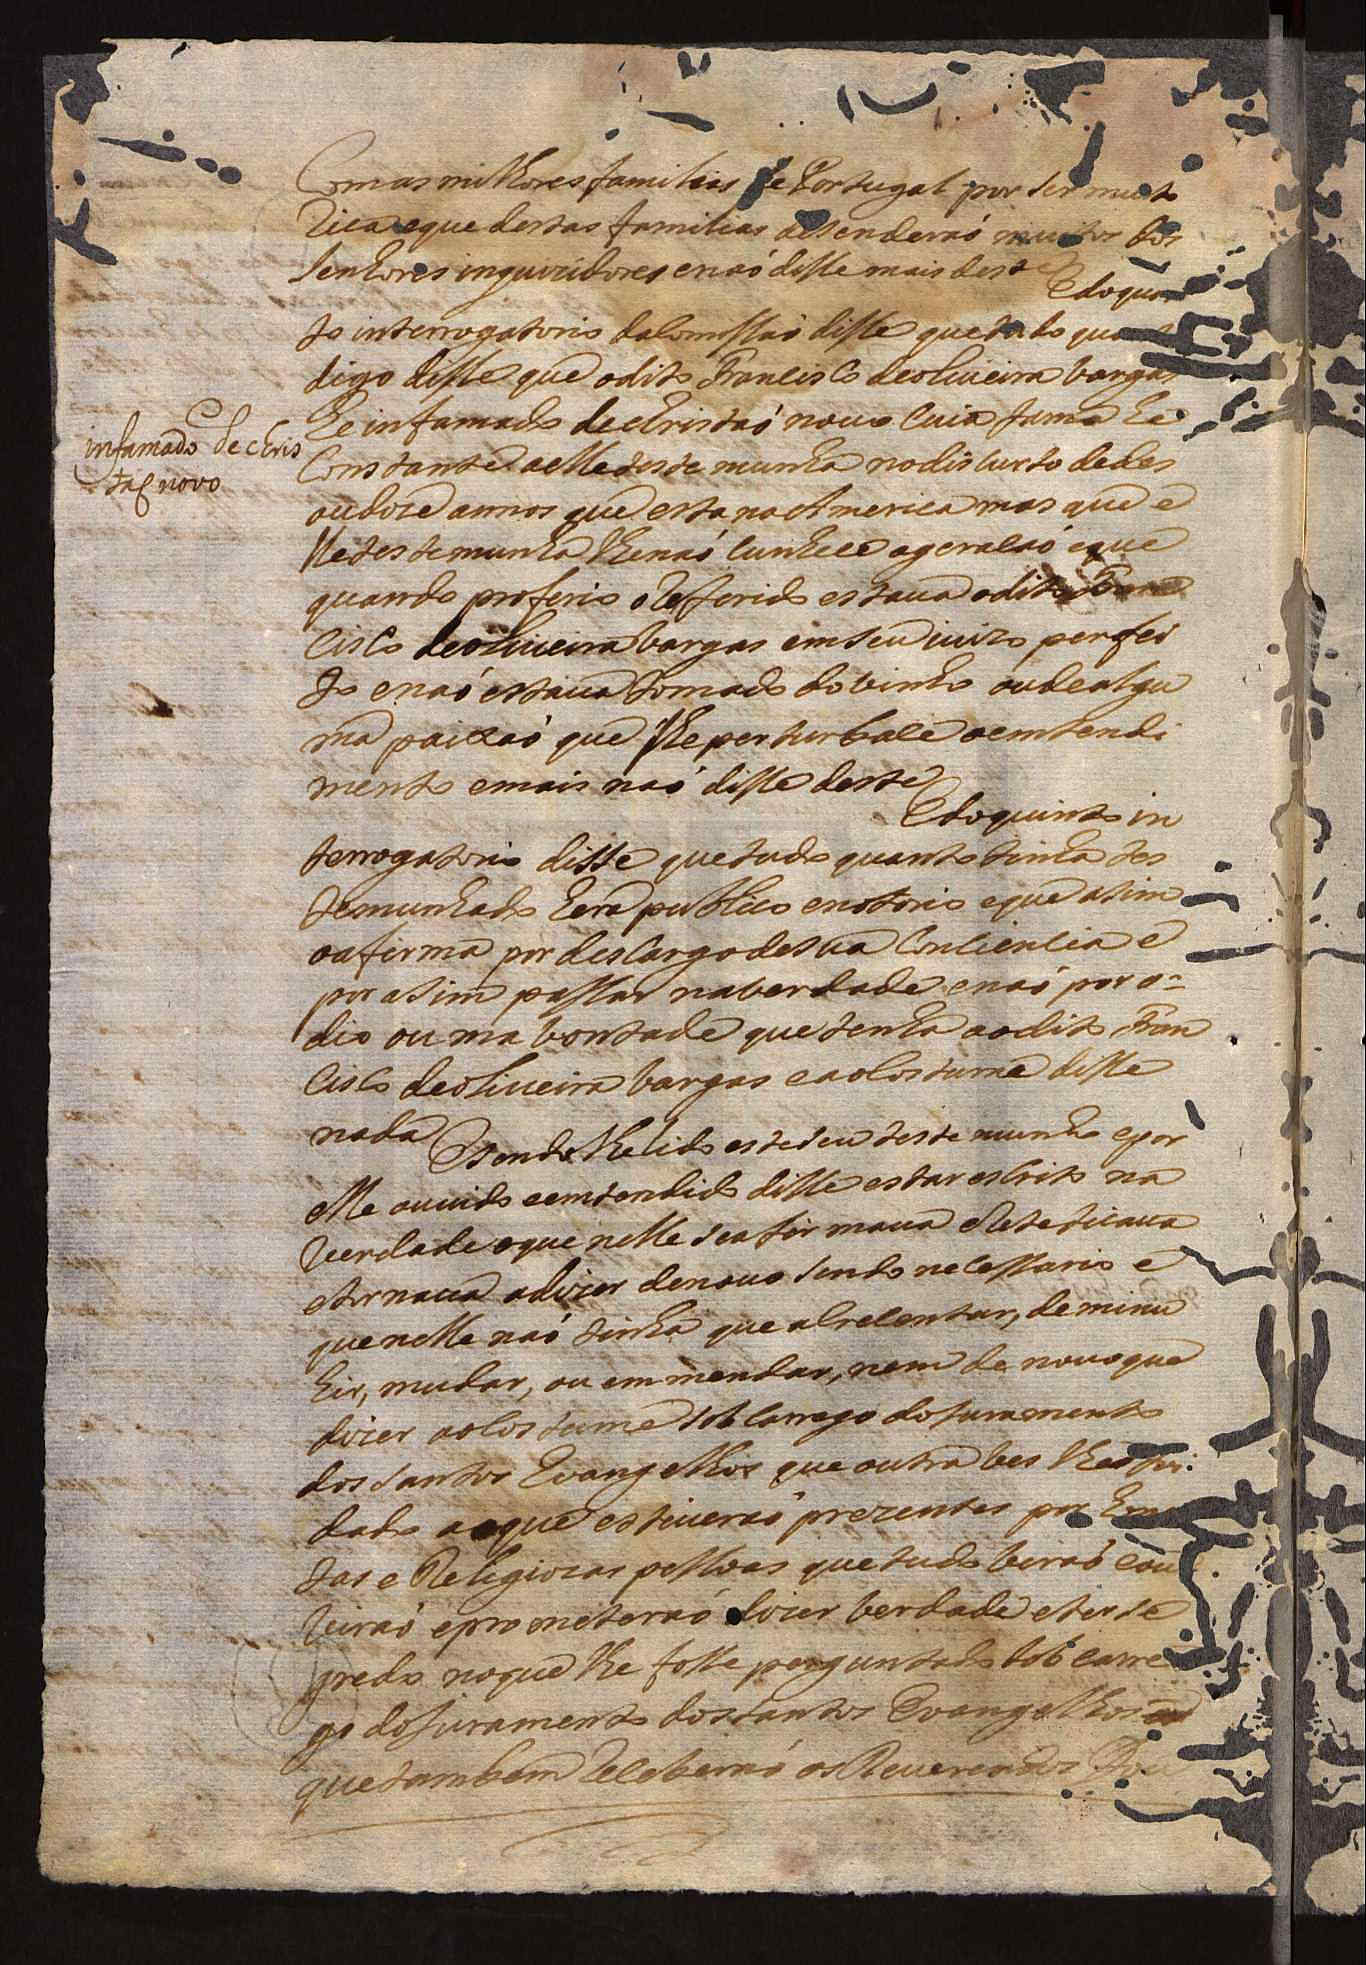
Com as milhores familias _e Portugal por ser muito
Rica e que destas familias desenderaõ muitos dos
Senhores inquizidores e naõ disse mais deste
E do qu
to interrogatorio da Comissaõ disse que tudo qu
digo disse que o dito Francisco de oliueira vargas
he infamado de christaõ nouo cuia fama he
infamado de chris
taõ novo
Constante a elle testemunha no discurso de des
ou doze annos que esta na America mas que e
lle testemunha lhe naõ cunhece a geraçaõ e que
quando proferio o Referido estaua o dito Fran
CisCo de oliueira vargas em seu iuizo perfer
to e naõ estaua tomado do vinho ou de algu
ma paixaõ que lhe perturbace o emtendi
mento e mais naõ disse deste
E do quinto in
terrogatorio disse que tudo quanto tinha tes
temunhado hera publico e notorio e que asim
o afirma por descargo de sua conciencia e
por asim passar na verdade e naõ por o
dio ou ma vontade que tinha ao dito Fran
CisCo de oliueira vargas e ao Costume disse
nada
E sendolhe lido este seu testemunho e por
elle ouuido e emtendido disse estar esCrito na
Verdade o que nelle se afirmaua e Reteficaua
e tornaua a dizer de nouo sendo necessario e
que nelle naõ tinha que aCrecentar, deminu
hir, mudar, ou emmendar, nem de nouo que
dizer ao costume sob carrego do Iuramento
dos santos Evangelhos que outra ves lhes foi
dado ao que estiueraõ prezentes por hon
tas e Religiozas pessoas que tudo viraõ e ou
Viraõ e prometeraõ dizer verdade e ter se
gredo no que lhe fosse perguntado sob carre
go do Juramento dos santos Evangelhos
que tambem Receberaõ os Reuerendos Dou
